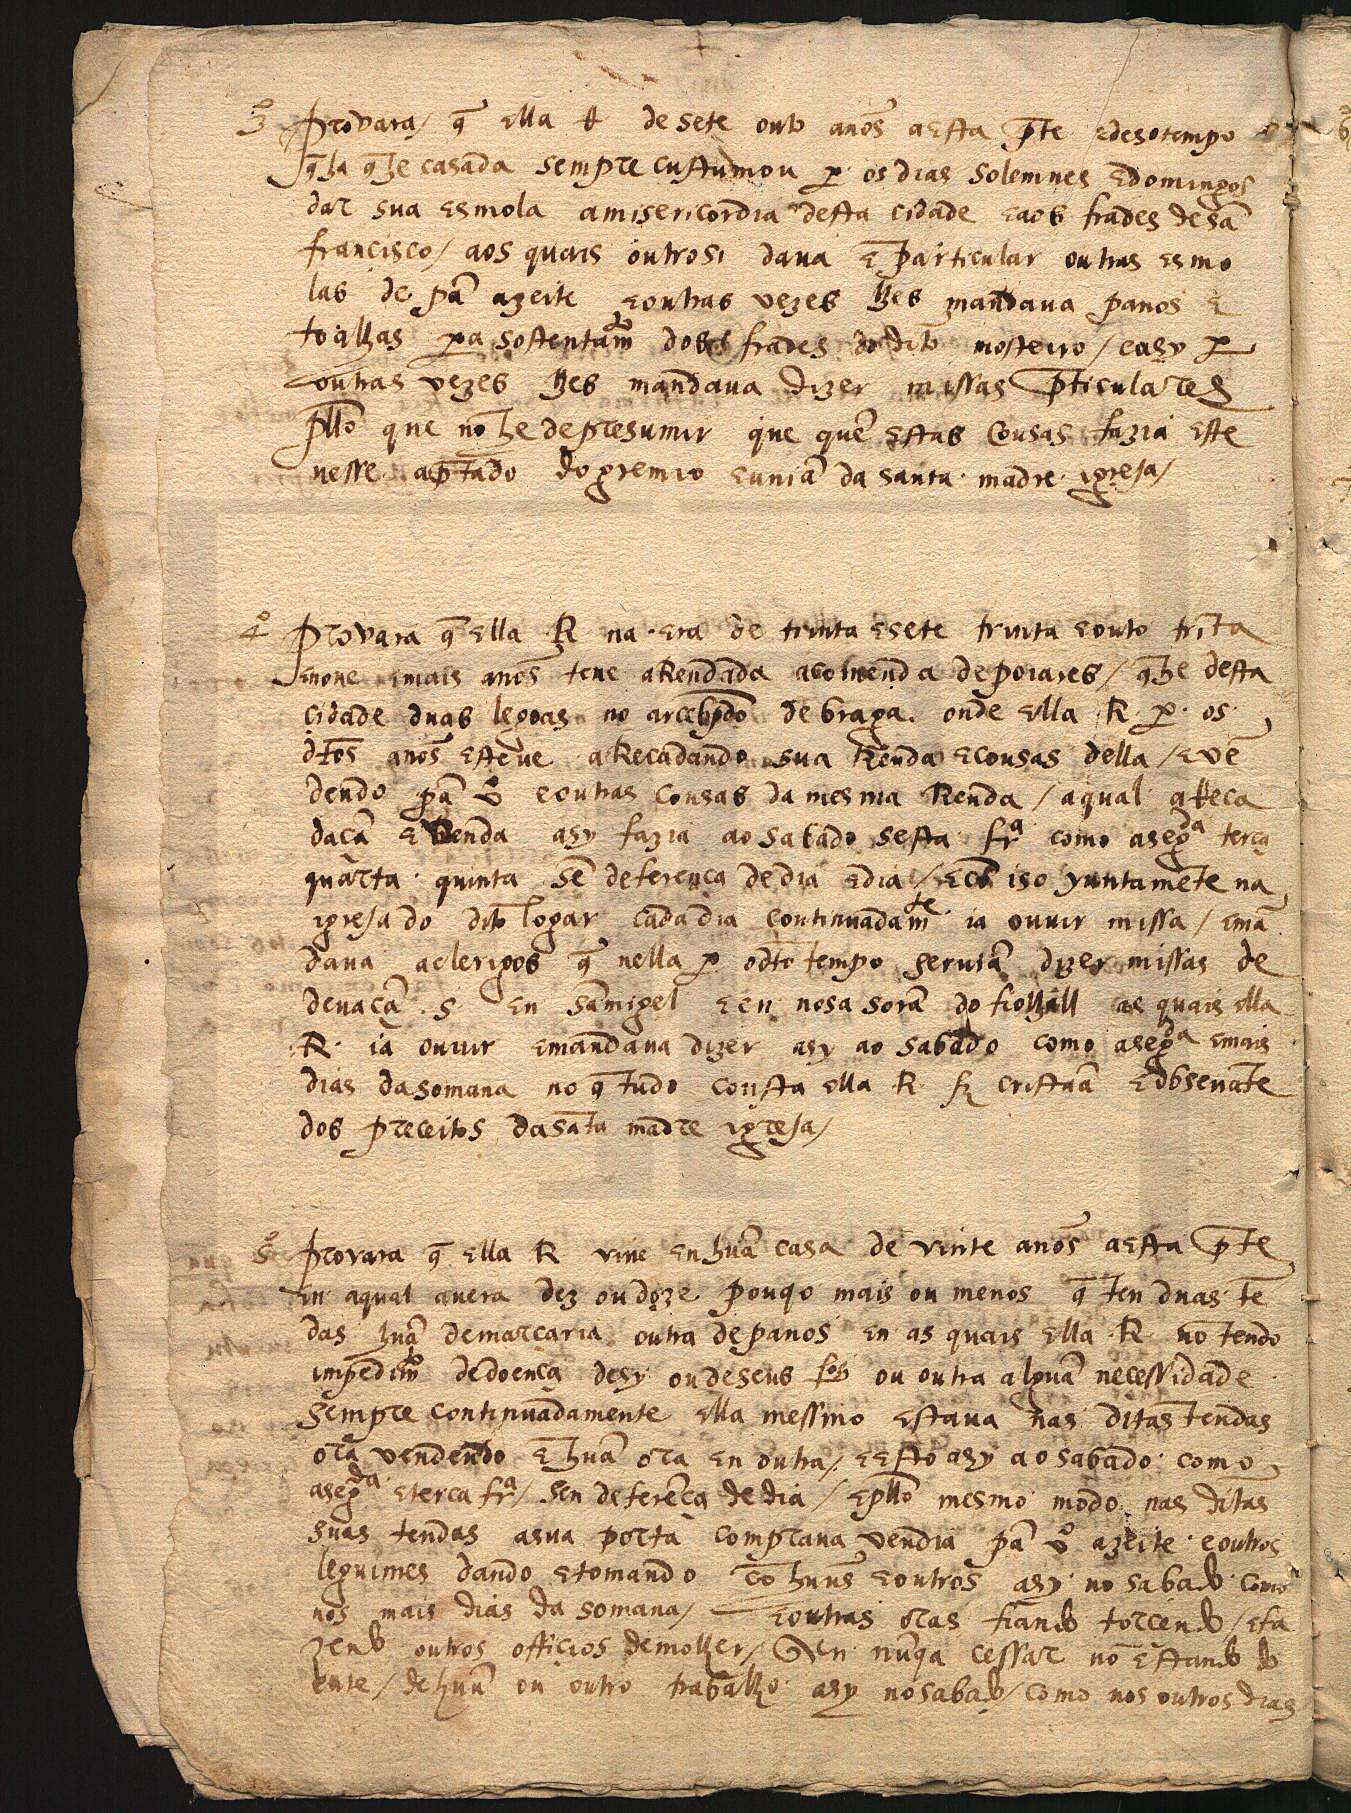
Provara / q̄ ella R de sete outo anōs a Esta p̄te E des o tempo
q̄ ha q̄ he casada sempre custumou ꝑ os dias Solemnes E domingos
dar sua esmola a misericordia desta cidade e aos frades de sā
françisco / aos quais outrosi daua Ē particular outras Esmo
las de pā azeite E outras vezes lhes mandaua panos E
toalhas ꝑa sostentamto dos frades do dito mosteiro / e asy ꝑ
outras vezes lhes mandaua dizer missas p̄ticulares
p̄llo que nō he de presumir que quē Estas Cousas fazia Este
uesse ap̄tado do gremio E uniā da santa. madre. igreja /
Provara q̄ Ella. R na Era de trinta E sete trinta E outo trīta
E noue E mais anos teue aRendada a comenda de poiares / q̄ he desta
çidade duas legoas no arc̄ebpdo de braga. onde Ella .R. ꝑ. os.
dt̄os anos̄ Esteue aRecadando sua Renda E cousas della / E vē
dendo pā vo e outras cousas da mesma Renda / a qual aReca
daçā E Renda asy fazia ao Sabado sesta fra como a segda terça
quarta . quinta s̄e deferença de dia E dia / E c̄o iso yuntamēte na
igreja do dit̄o logar cada dia continuadamte ia ouuir missa / E mā
daua a clerigos q̄ nella ꝑ o dt̄o tempo Seruiā dizer missas de
deuaçā .S. En Sā migel E en nosa sorā do fiolhall as quais ella
R. ia ouuir E mandaua dizer asy ao Sabado como a segda E mais
dias da somana no q̄ tudo Consta ella R sz cristaā E obseuāte
dos preceitos da s̄ata madre igreJa /
Provara q̄ Ella R viue En huā casa de vinte anos̄ a Esta p̄te
En a qual auera dez ou doze pouqo mais ou menos q̄ ten duas tē
das huā de marçaria outra de panos En as quais Ella .R. nō tendo
impedimto de doença de sy ou de seus fos ou outra alguā neçessidade
Sempre continuadamente Ella messmo Estaua nas ditas tendas
ora vendendo Ē huā ora En outra / E Esto asy ao sabado. como
a segda E terca fra / sen deferēça de dia / E p̄llo mesmo modo. nas ditas
suas tendas a sua porta compraua vendia pā vo azeite. e outros
leguimes dando E tomando c̄o huūs E outros asy no sabado como
nos mais dias da somana / E outras oras fiando torçendo / E fa
zendo outros offiçios de molher / sen nūqa cessar nō Estando do
ente / de huū ou outro trabalho asy no sabado / como nos outros dias
